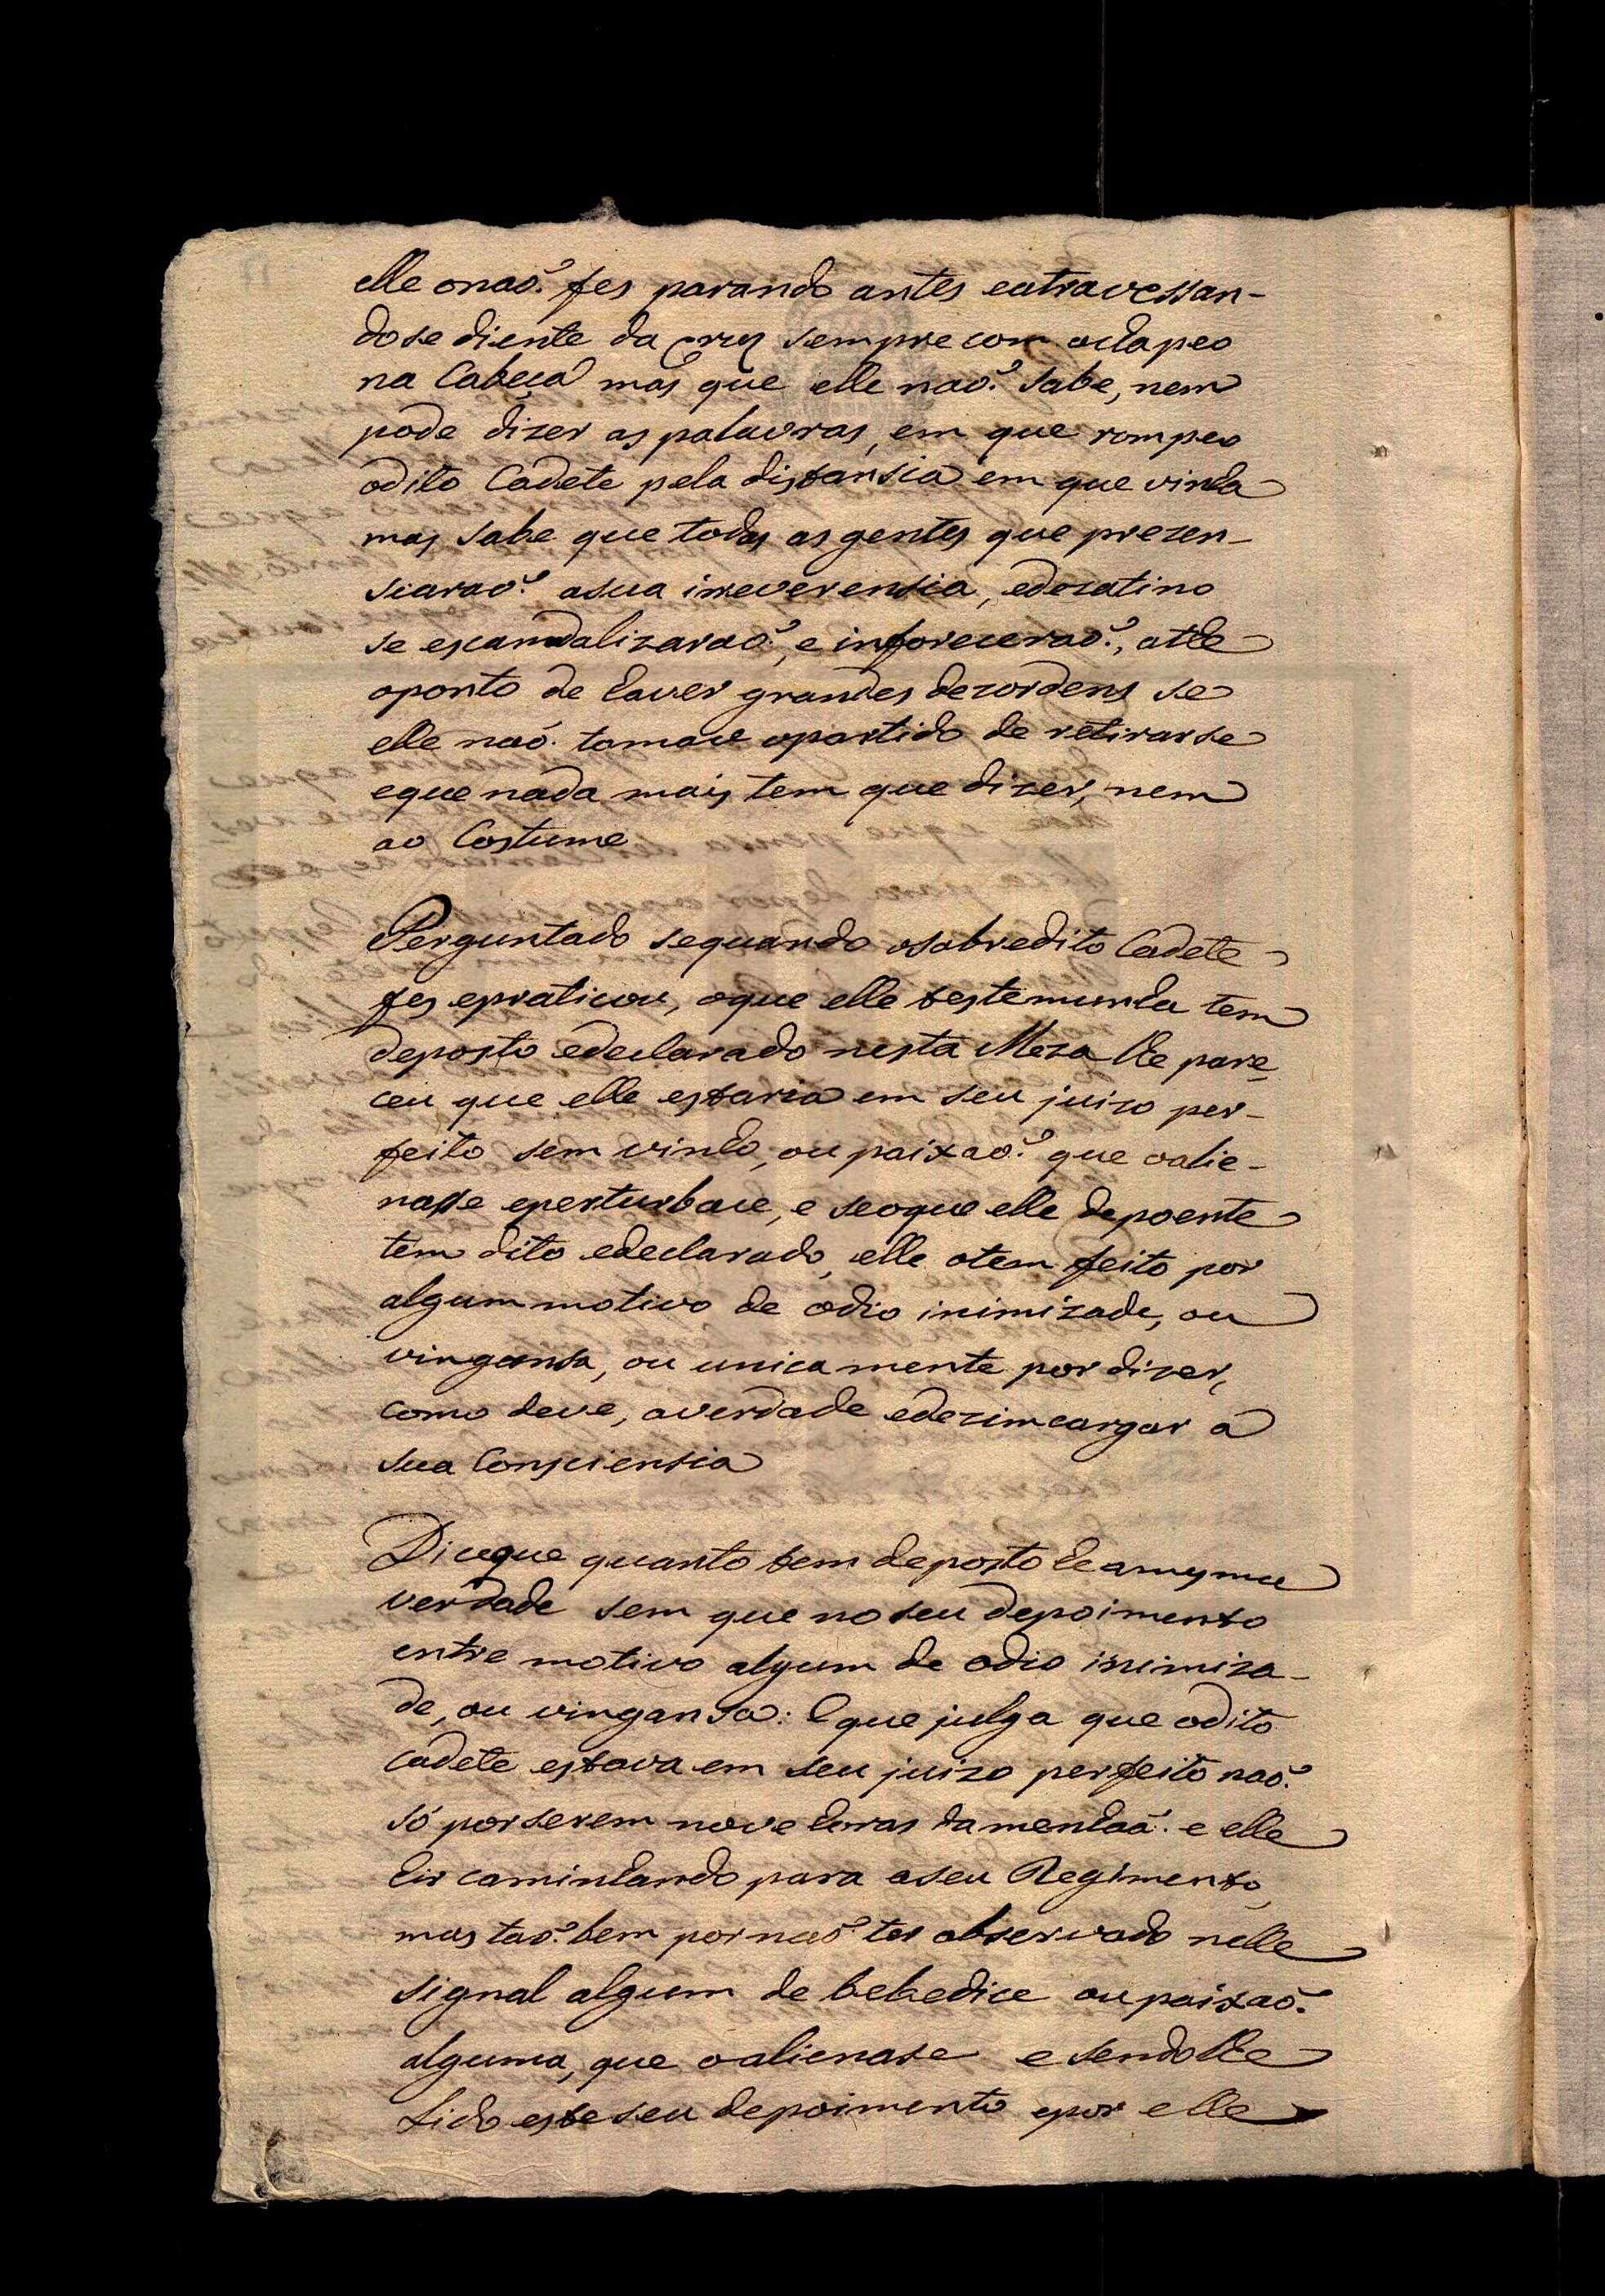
elle o naõ fes parando antes e atravessan
dose diante da Crus sempre com o chapeo
na Cabeça mas que elle naõ sabe, nem
pode dizer as palavras, em que rompeo
o dito Cadete pela distansia em que vinha
mas sabe que todas as gentes que prezen
siaraõ. a sua irreverensia, e dezatino
se escandalizaraõ, e inforeceraõ, athe
o ponto de haver grandes dezordens se
elle naõ tomace o partido de retirarse
e que nada mais tem que dizer, nem
ao Costume
Perguntado se quando o sobredito Cadete
fes e praticou, o que elle testemunha tem
deposto e declarado nesta Meza lhe pare
ceu que elle estaria em seu juizo per
feito sem vinho, ou paixaõ que o alie
nasse e perturbace, e se o que elle depoente
tem dito e declarado, elle o tem feito por
algum motivo de odio inimizade, ou
vingansa, ou unicamente por dizer,
como deve, a verdade e dezimcargar a
sua consciensia
Dice que quanto tem deposto he a mesma
verdade sem que no seu depoimento
entre motivo algum de odio inimiza
de, ou vingansa: E que julga que o dito
cadete estava em seu juizo perfeito naõ
só por serem nove horas da menhaã e elle
hir caminhando para a seu Regimento,
mas taõbem por naõ ter observado nelle
signal algum de bebedice ou paixaõ
alguma, que o alienase e sendolhe
Lido este seu depoimento e por elle
